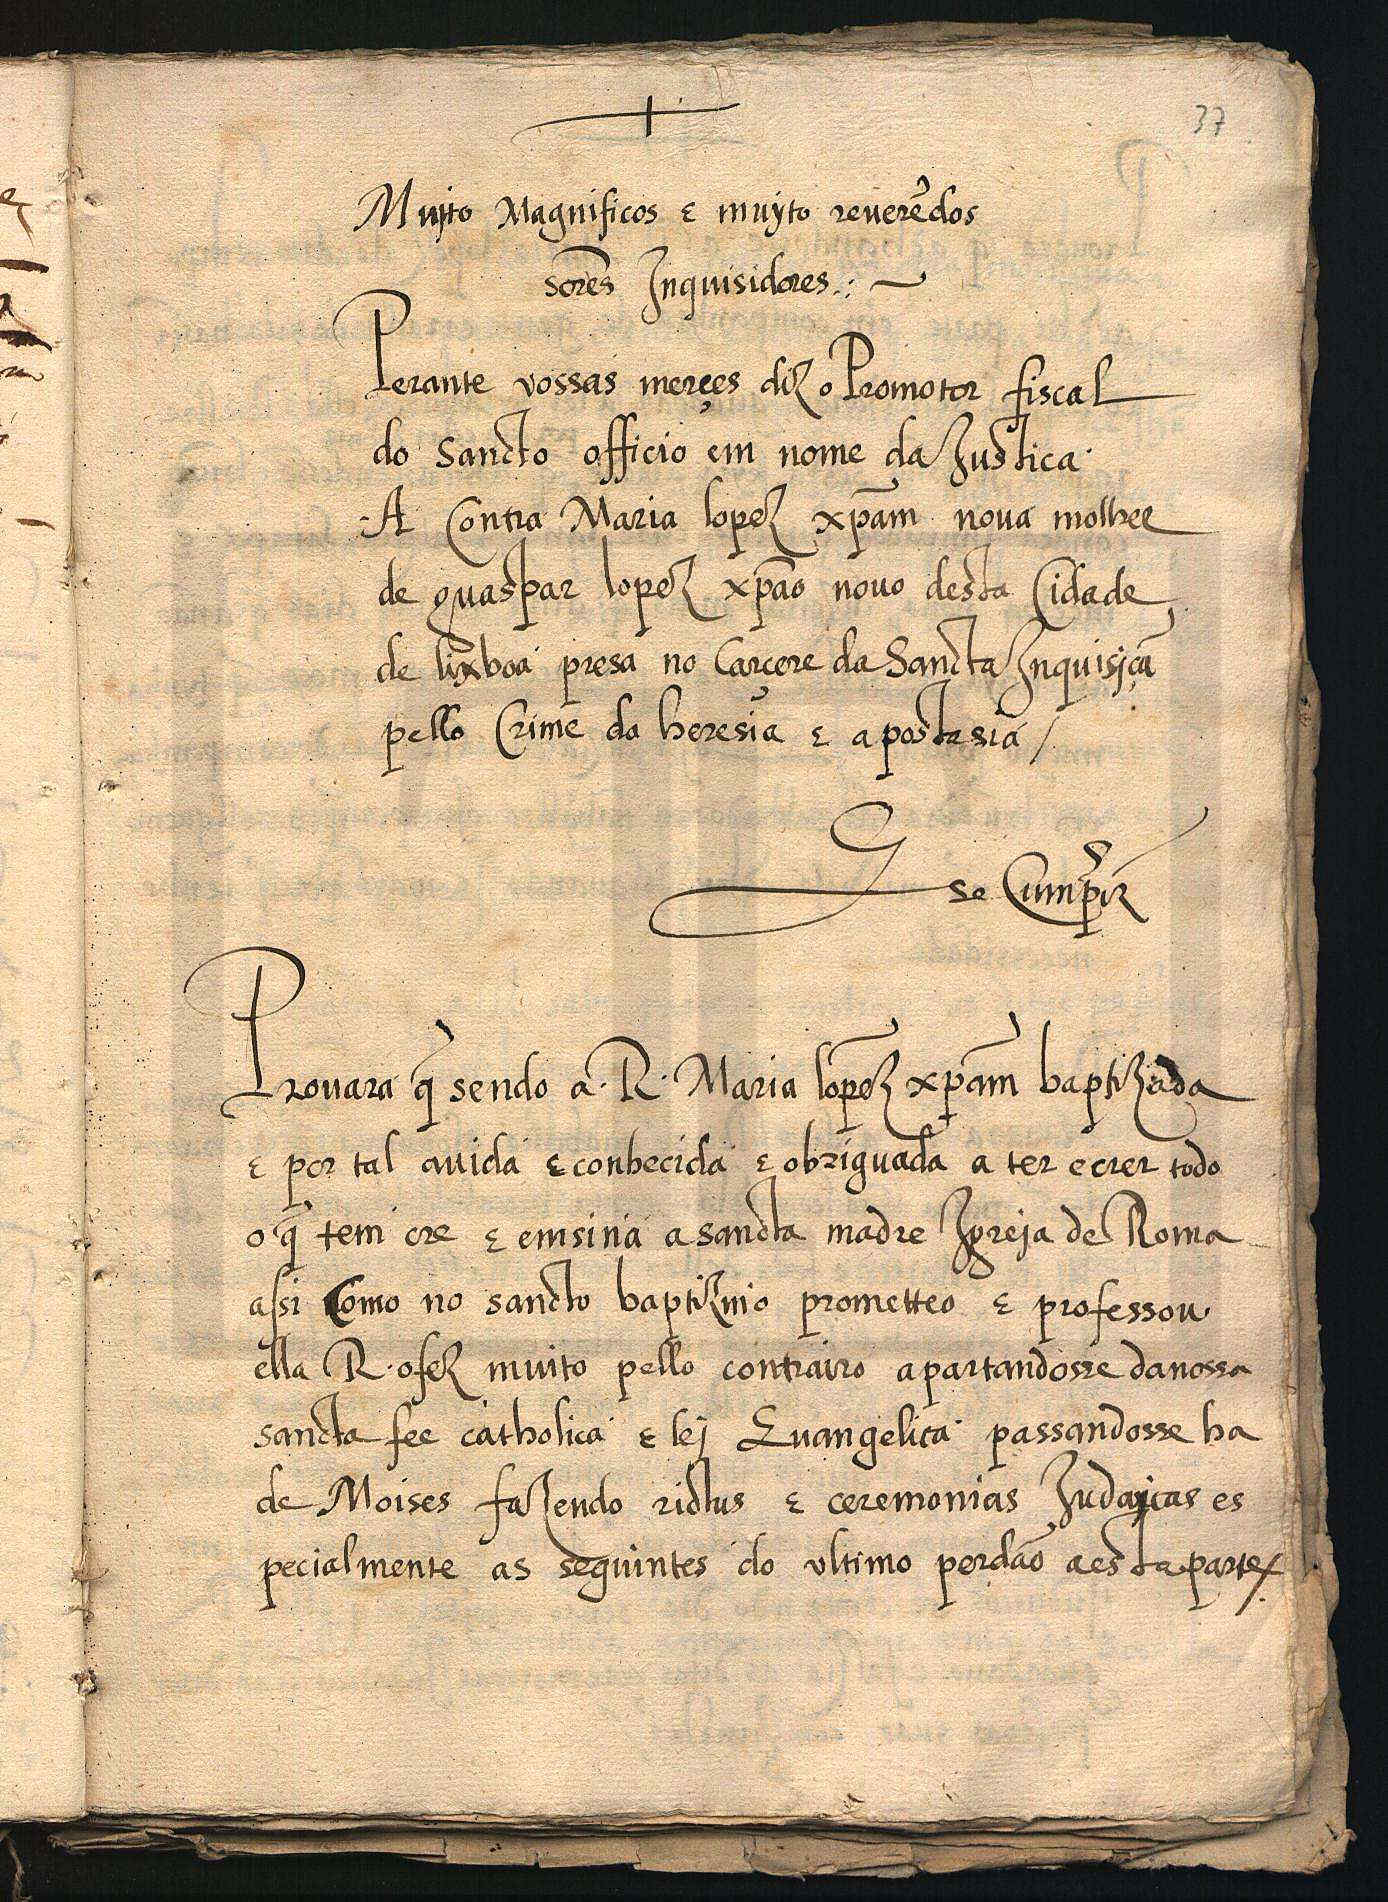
Mujto Magnificos E muyto reuere̅dos
s̅ores Jnquisidores.:
Perante vossas merçes diZ o Promotor fiscaL
do Sancto officio em nome da Justica
A Contra Maria lopeZ xp̅am noua molher
de guaspar lopeZ xpão nouo desta Cidade
de lixboa presa no Carçere da Sancta Jnquisjça̅
pello Crime da heresia E apostasia /
E se Cump̅ir
Prouara q̅ sendo a .R. Maria lop̅eZ xp̅am baptiZada
E por tal auida E conhecida E obriguada a ter e crer todo
o q̅ tem cre E emsina a sancta madre Jgreja de Roma
assi Como no sancto baptiZmo prometteo E professou
ella R. o feZ muito pello contrairo apartandosse da nossa
sancta fee catholica E lej Euangelica passandosse ha
de Moises faZendo rictus E ceremonias Judaycas es
pecialmente as seguintes do vltimo perdão a esta parte /.
